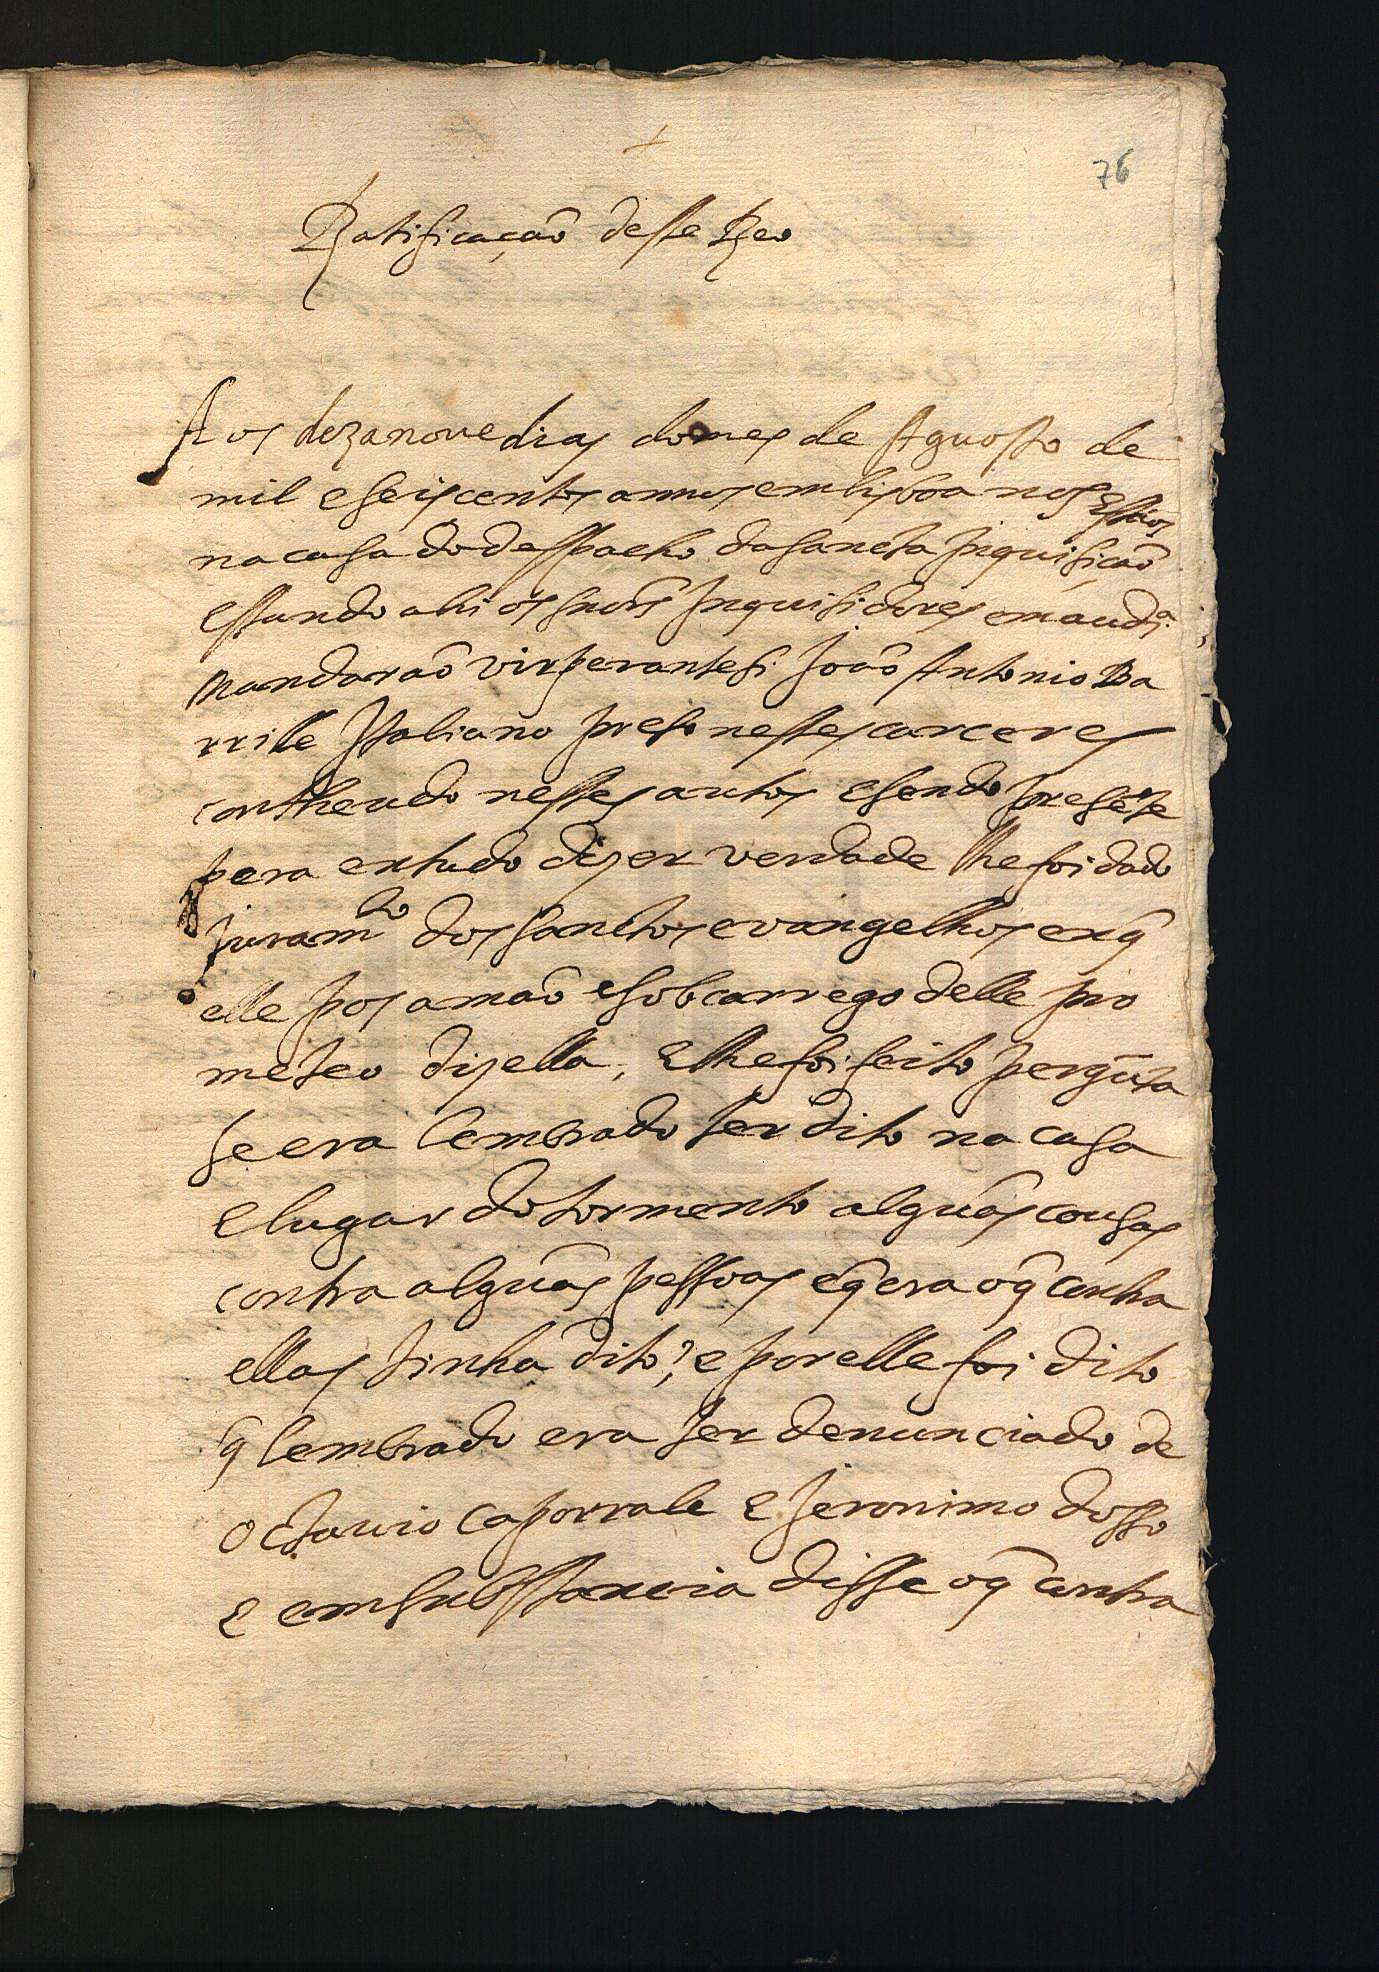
Ratificaçaõ deste Reo
Aos dezanoue dias do mes de Aguosto de
mil e seiscentos annos em lisboa nos Estaos
na casa do despacho da sancta Jnquisiçaõ
estando ahi os snors̄ Jnquisidores em audi.a
Mandaraõ vir perante si Joaõ Antonio Ba
rrille Jtaliano preso nestes carceres
contheudo nestes autos E sendo presēte
pera en tudo dizer verdade lhe foi dado
juramto dos sanctos evangelhos en q̄
elle pos a maõ e sob carrego delle pro
meteo dizella, E lhe foi feito pergūta
se era lembrado ter dito na casa
E lugar do tormento alguās cousas
contra alguās pessoas e q̄ era o q̄ contra
ellas tinha dito? e por elle foi dito
q̄ lembrado era ter denunciado de
octauio caporrale E Jeronimo dosso
E em substancia disse o q̄ contra
